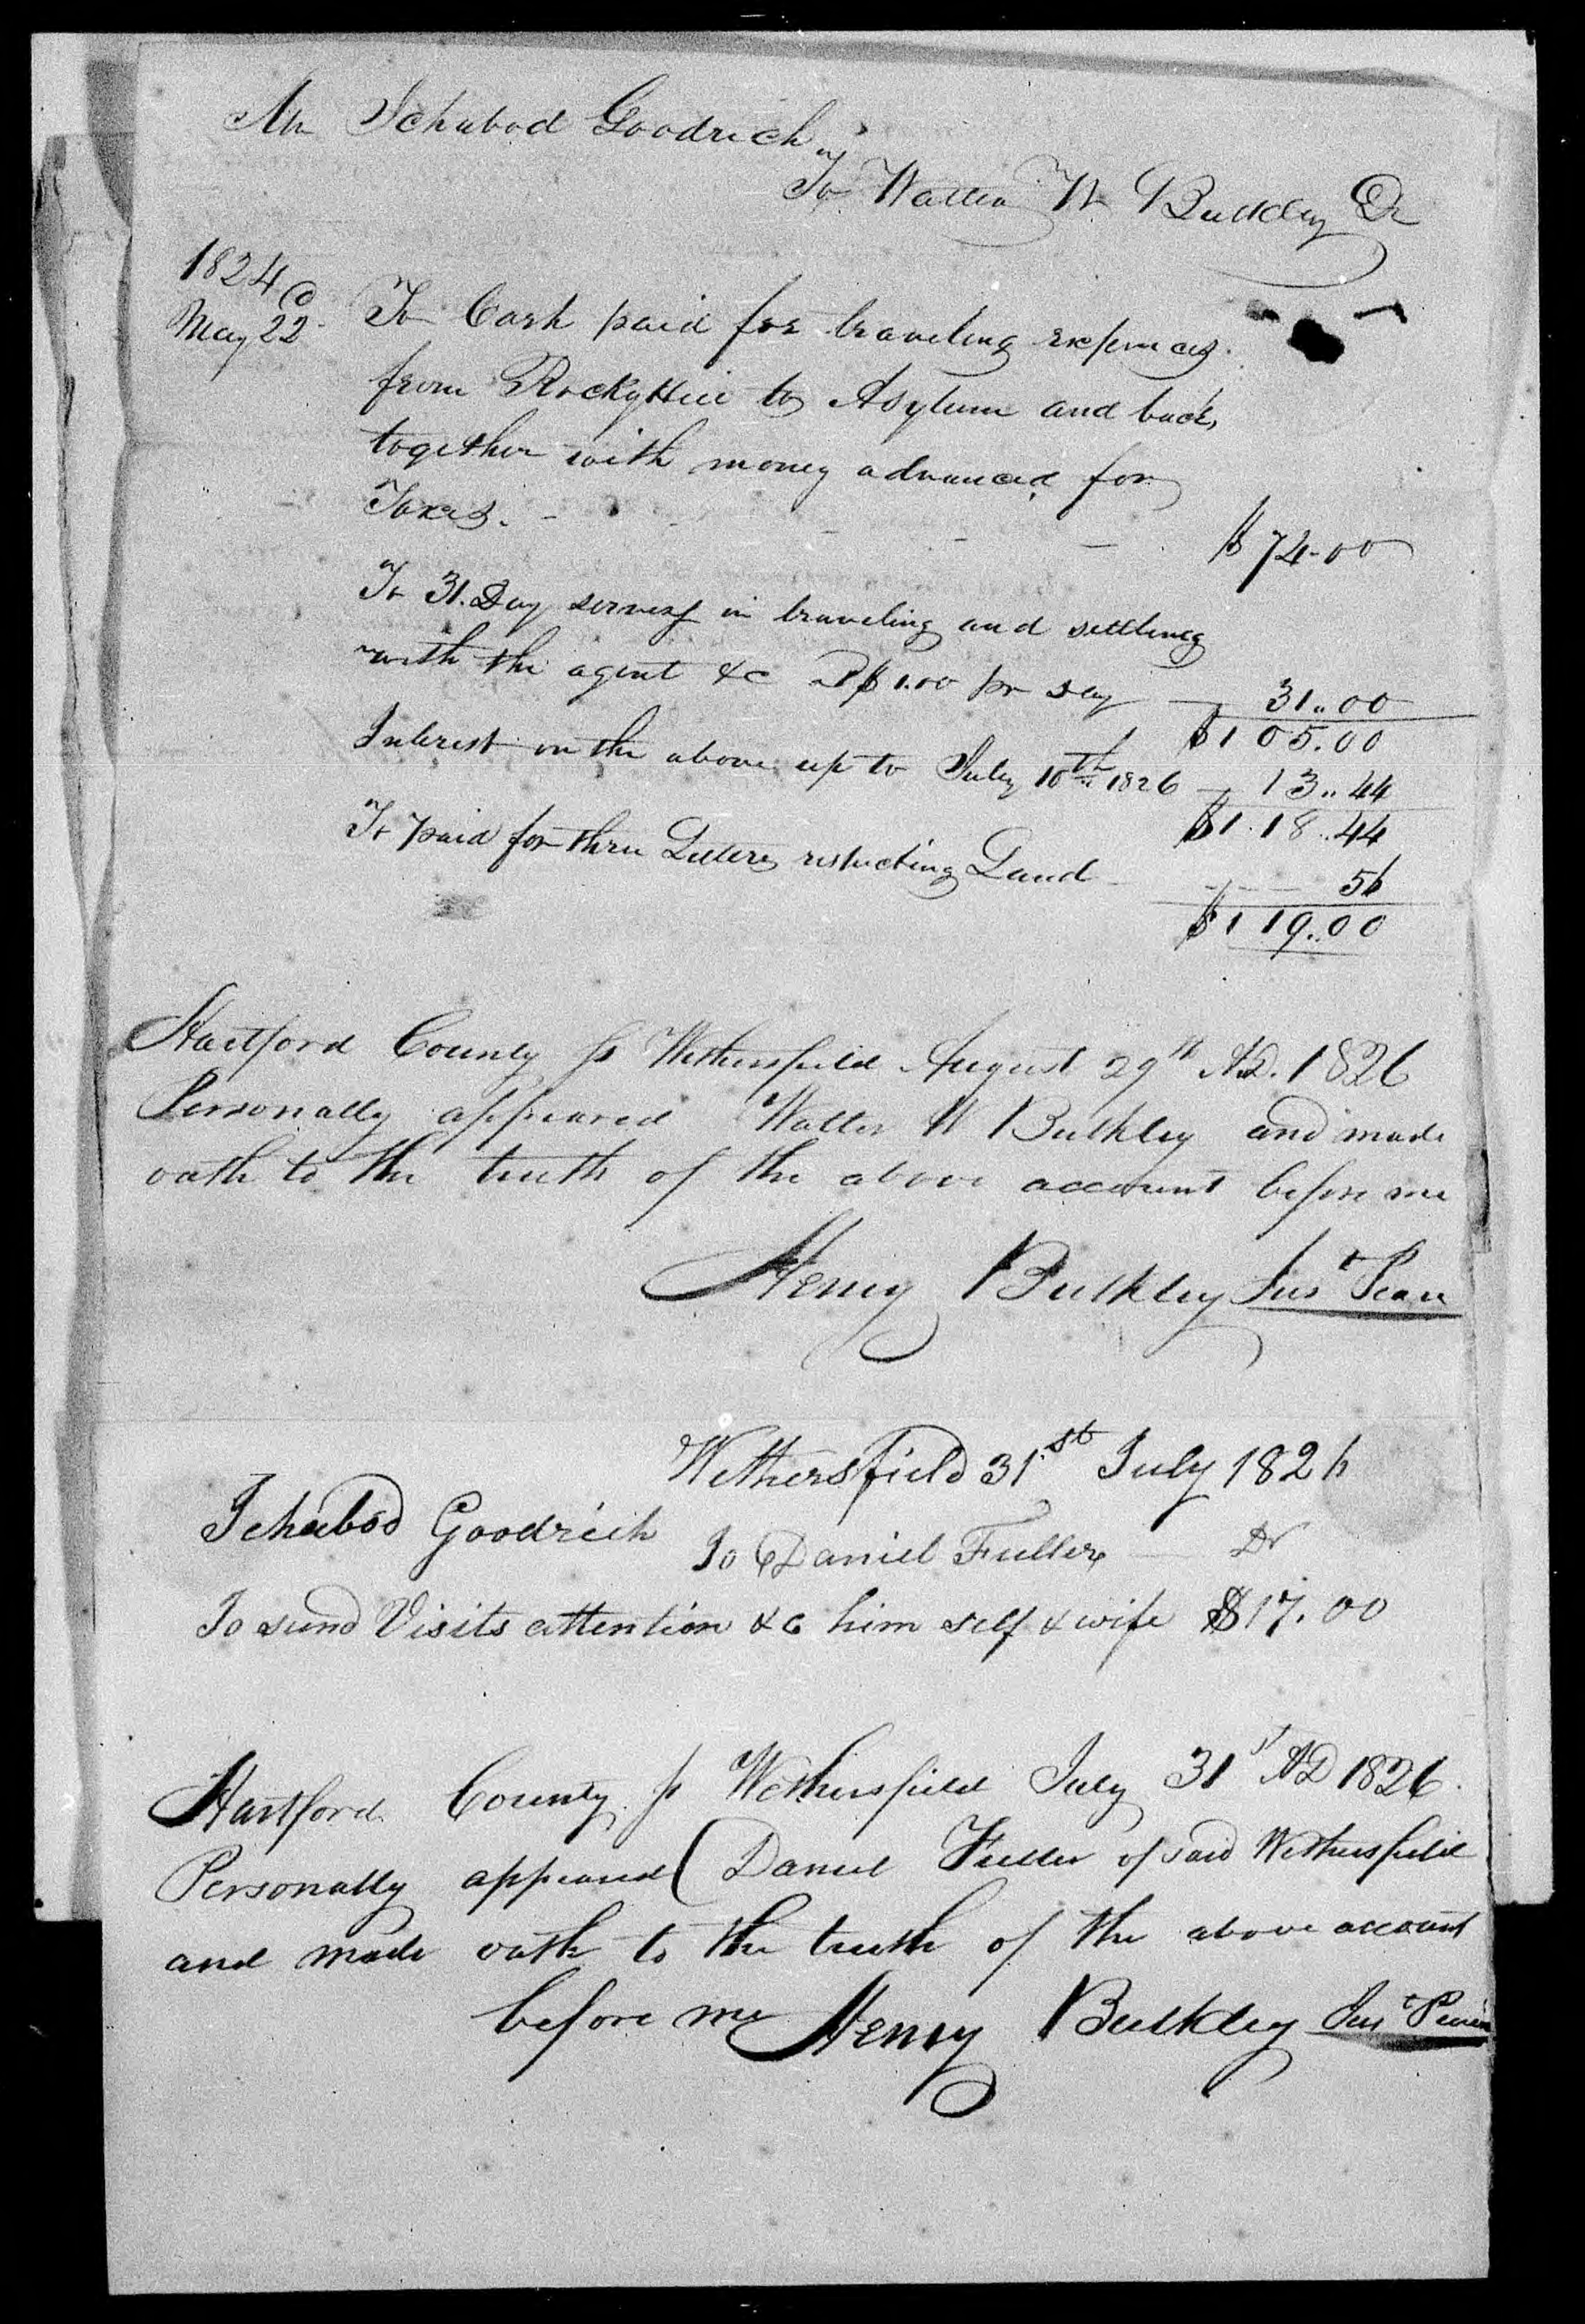Mr. Ichabod Goodrich

To Walter W. Bulkley

1824 May 22nd
The Cash paid for traveling expenses from RockyHill to Asylum and back, together with money advanced for taxes.  $74.00

To 31 day service in traveling and settling with the agent &c $1.00 per day ~ $31.00
_____________
$105.00

Interest in the above up to July 10th 1826  $13.44
___________
$118.44

to paid for thru letters respecting Land     $0.56
________
$119.00

Hartford County Ss Wethersfield, August 29th 1826
Personally appeared Walter W Bulkley and made oath to the truth of the above account before me.
Henry Bulkley, Just Peace


Wethersfield 31st July 1826
Ichabod Goodrich to Daniel Fuller Dr to sund visits attention &c him self & wife.   $17.00

Hartford County, Ss Wethersfield July 31st AD 1826
Personally appeared Daniel Fuller of said Wethersfield and made oath to the truth of the above account before me. 
Henry Bulkley, Just Peace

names: Henry Bulkley, Daniel Fuller, Ichabod Goodrich, Daniel Fuller, Walter W Bulkley, Henry Bulkley, Walter W Bulkley, Ichabod Goodrich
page: 38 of 46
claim: survivor's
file: S. 36,556, Ichabod Goodrich, Conn.